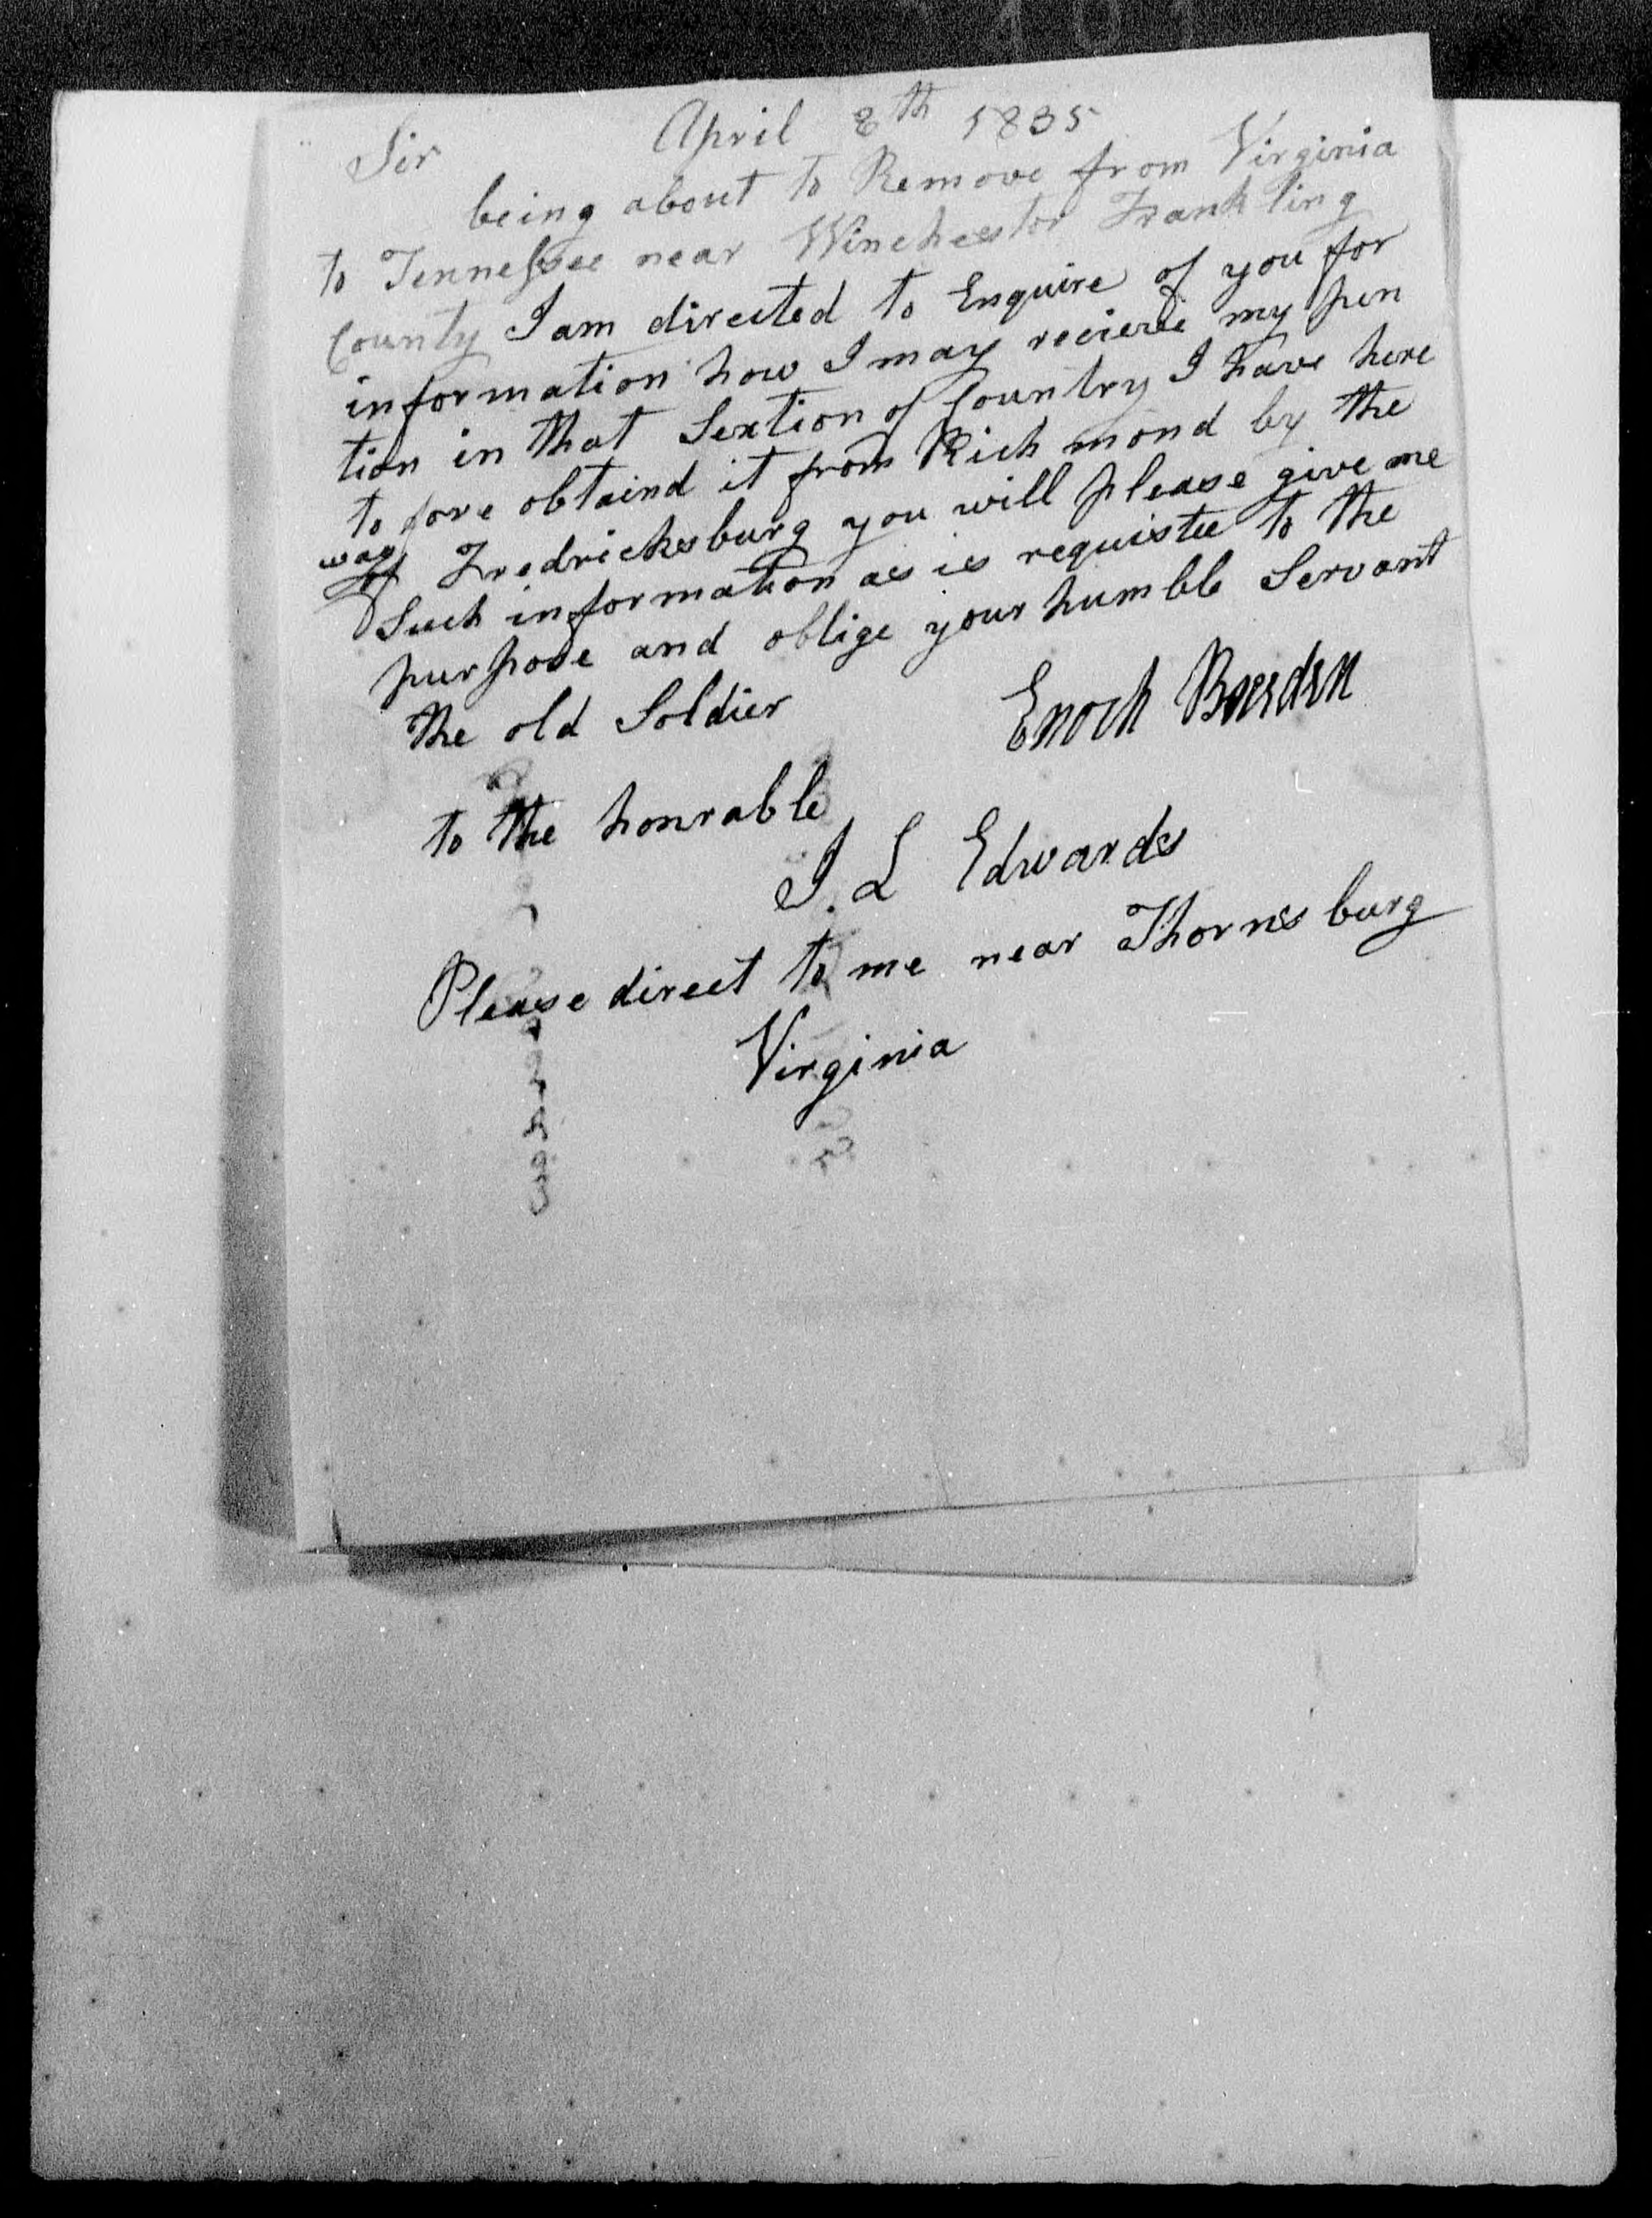April 6th 1835 
Sir
being about to remove from Virginia Tennessee near Winchester Frankling County I am directed to enquire of you for  information now I may recieve my penstion in that Sextion of Country I have here to fore obtained it from Richmond by the way of Fredericksburg you will please give me such information as is requested to the purpose and oblige your humble Servant the old Soldier 
Enoch Breeden
To the hourable 
J L Edwards 
Please direct to me near Thornsburg Virginia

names: Enoch Breeden, J L Edwards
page: 20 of 27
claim: survivor's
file: S. 1747, Enoch Breeden, Va.